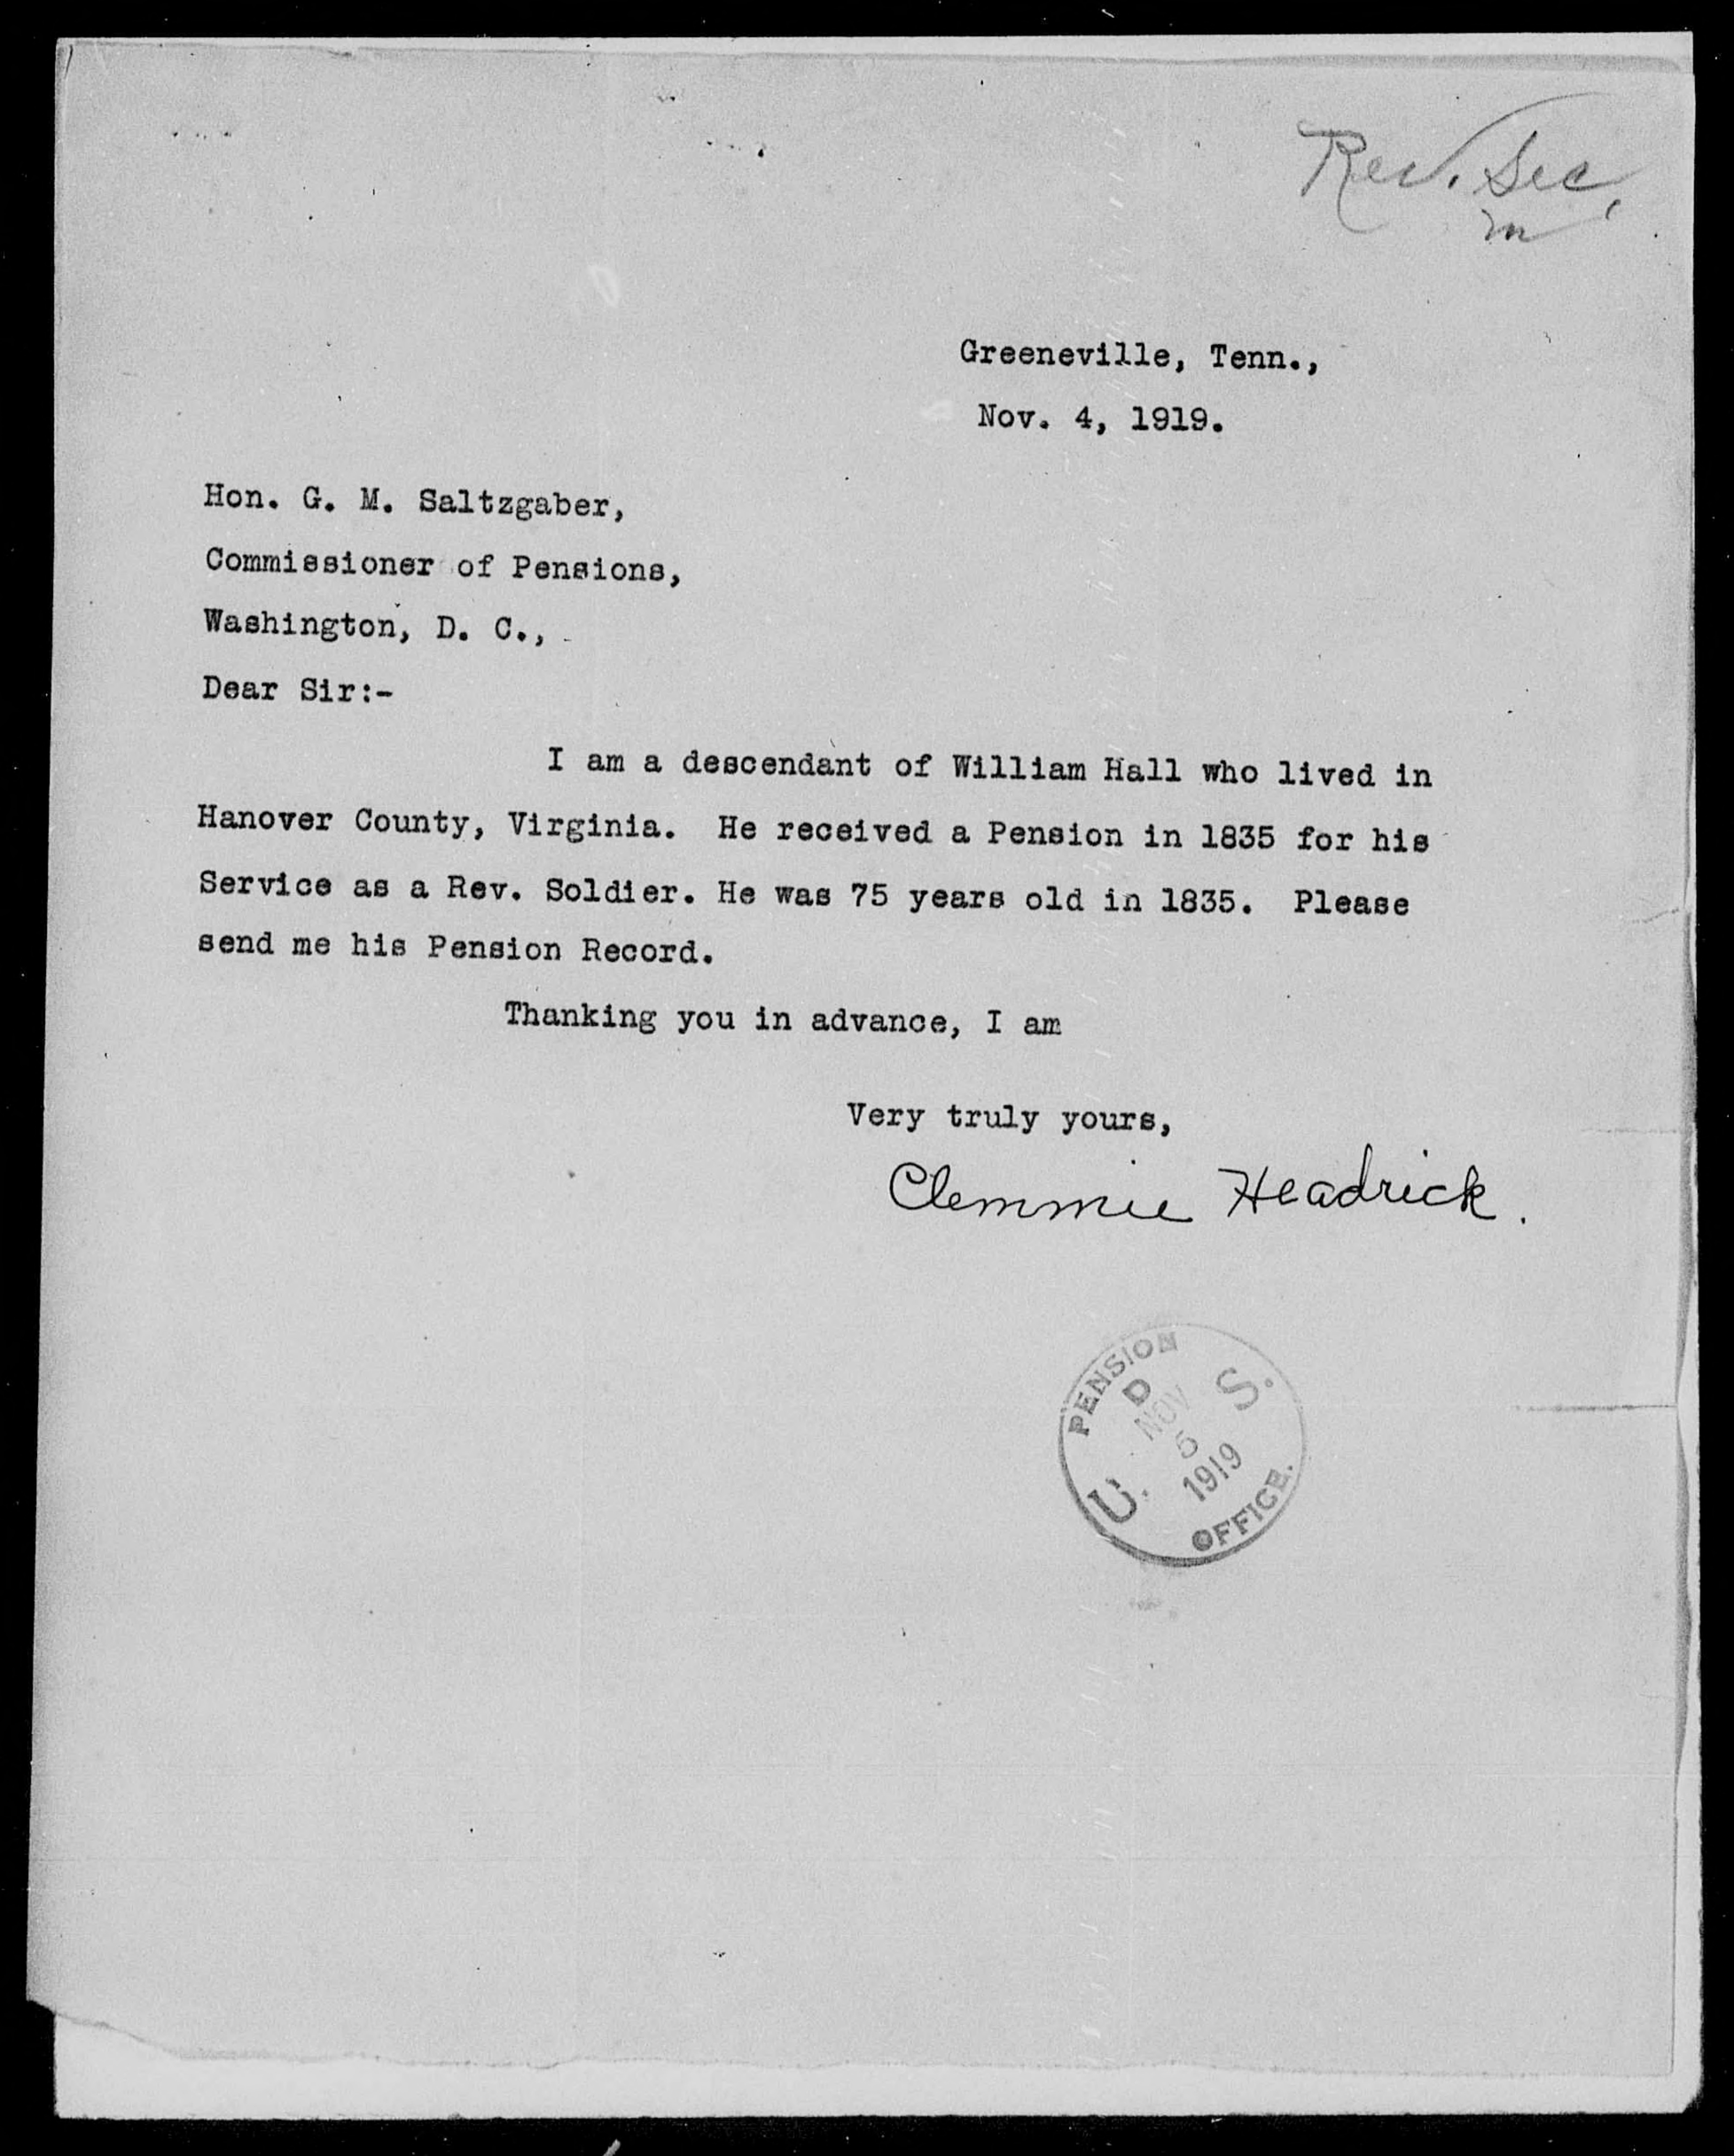Rev Sec 

Greeneville, Tenn.,
Nov. 4, 1919.

Hon.G.M. Saltzgaber,
Commissioner of Pensions,
Washington, D. C.,
Dear Sir: -
I am a descendant of William Hall who lived in Hanover County, Virginia. He received a Pension in 1835 for his Service as a Rev. Soldier. He was 75 years old in 1835. Please send me his Pension Record.
Thanking you in advance, I am
Very truly yours,
Clemmie Headrick

[INK STAMP:  U. S. PENSION OFFICE  D  NOV 5 1919]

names: G M Saltzgaber, Clemmie Headrick, William Hall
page: 15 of 15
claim: survivor's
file: S. 5475, William Hall, Va.